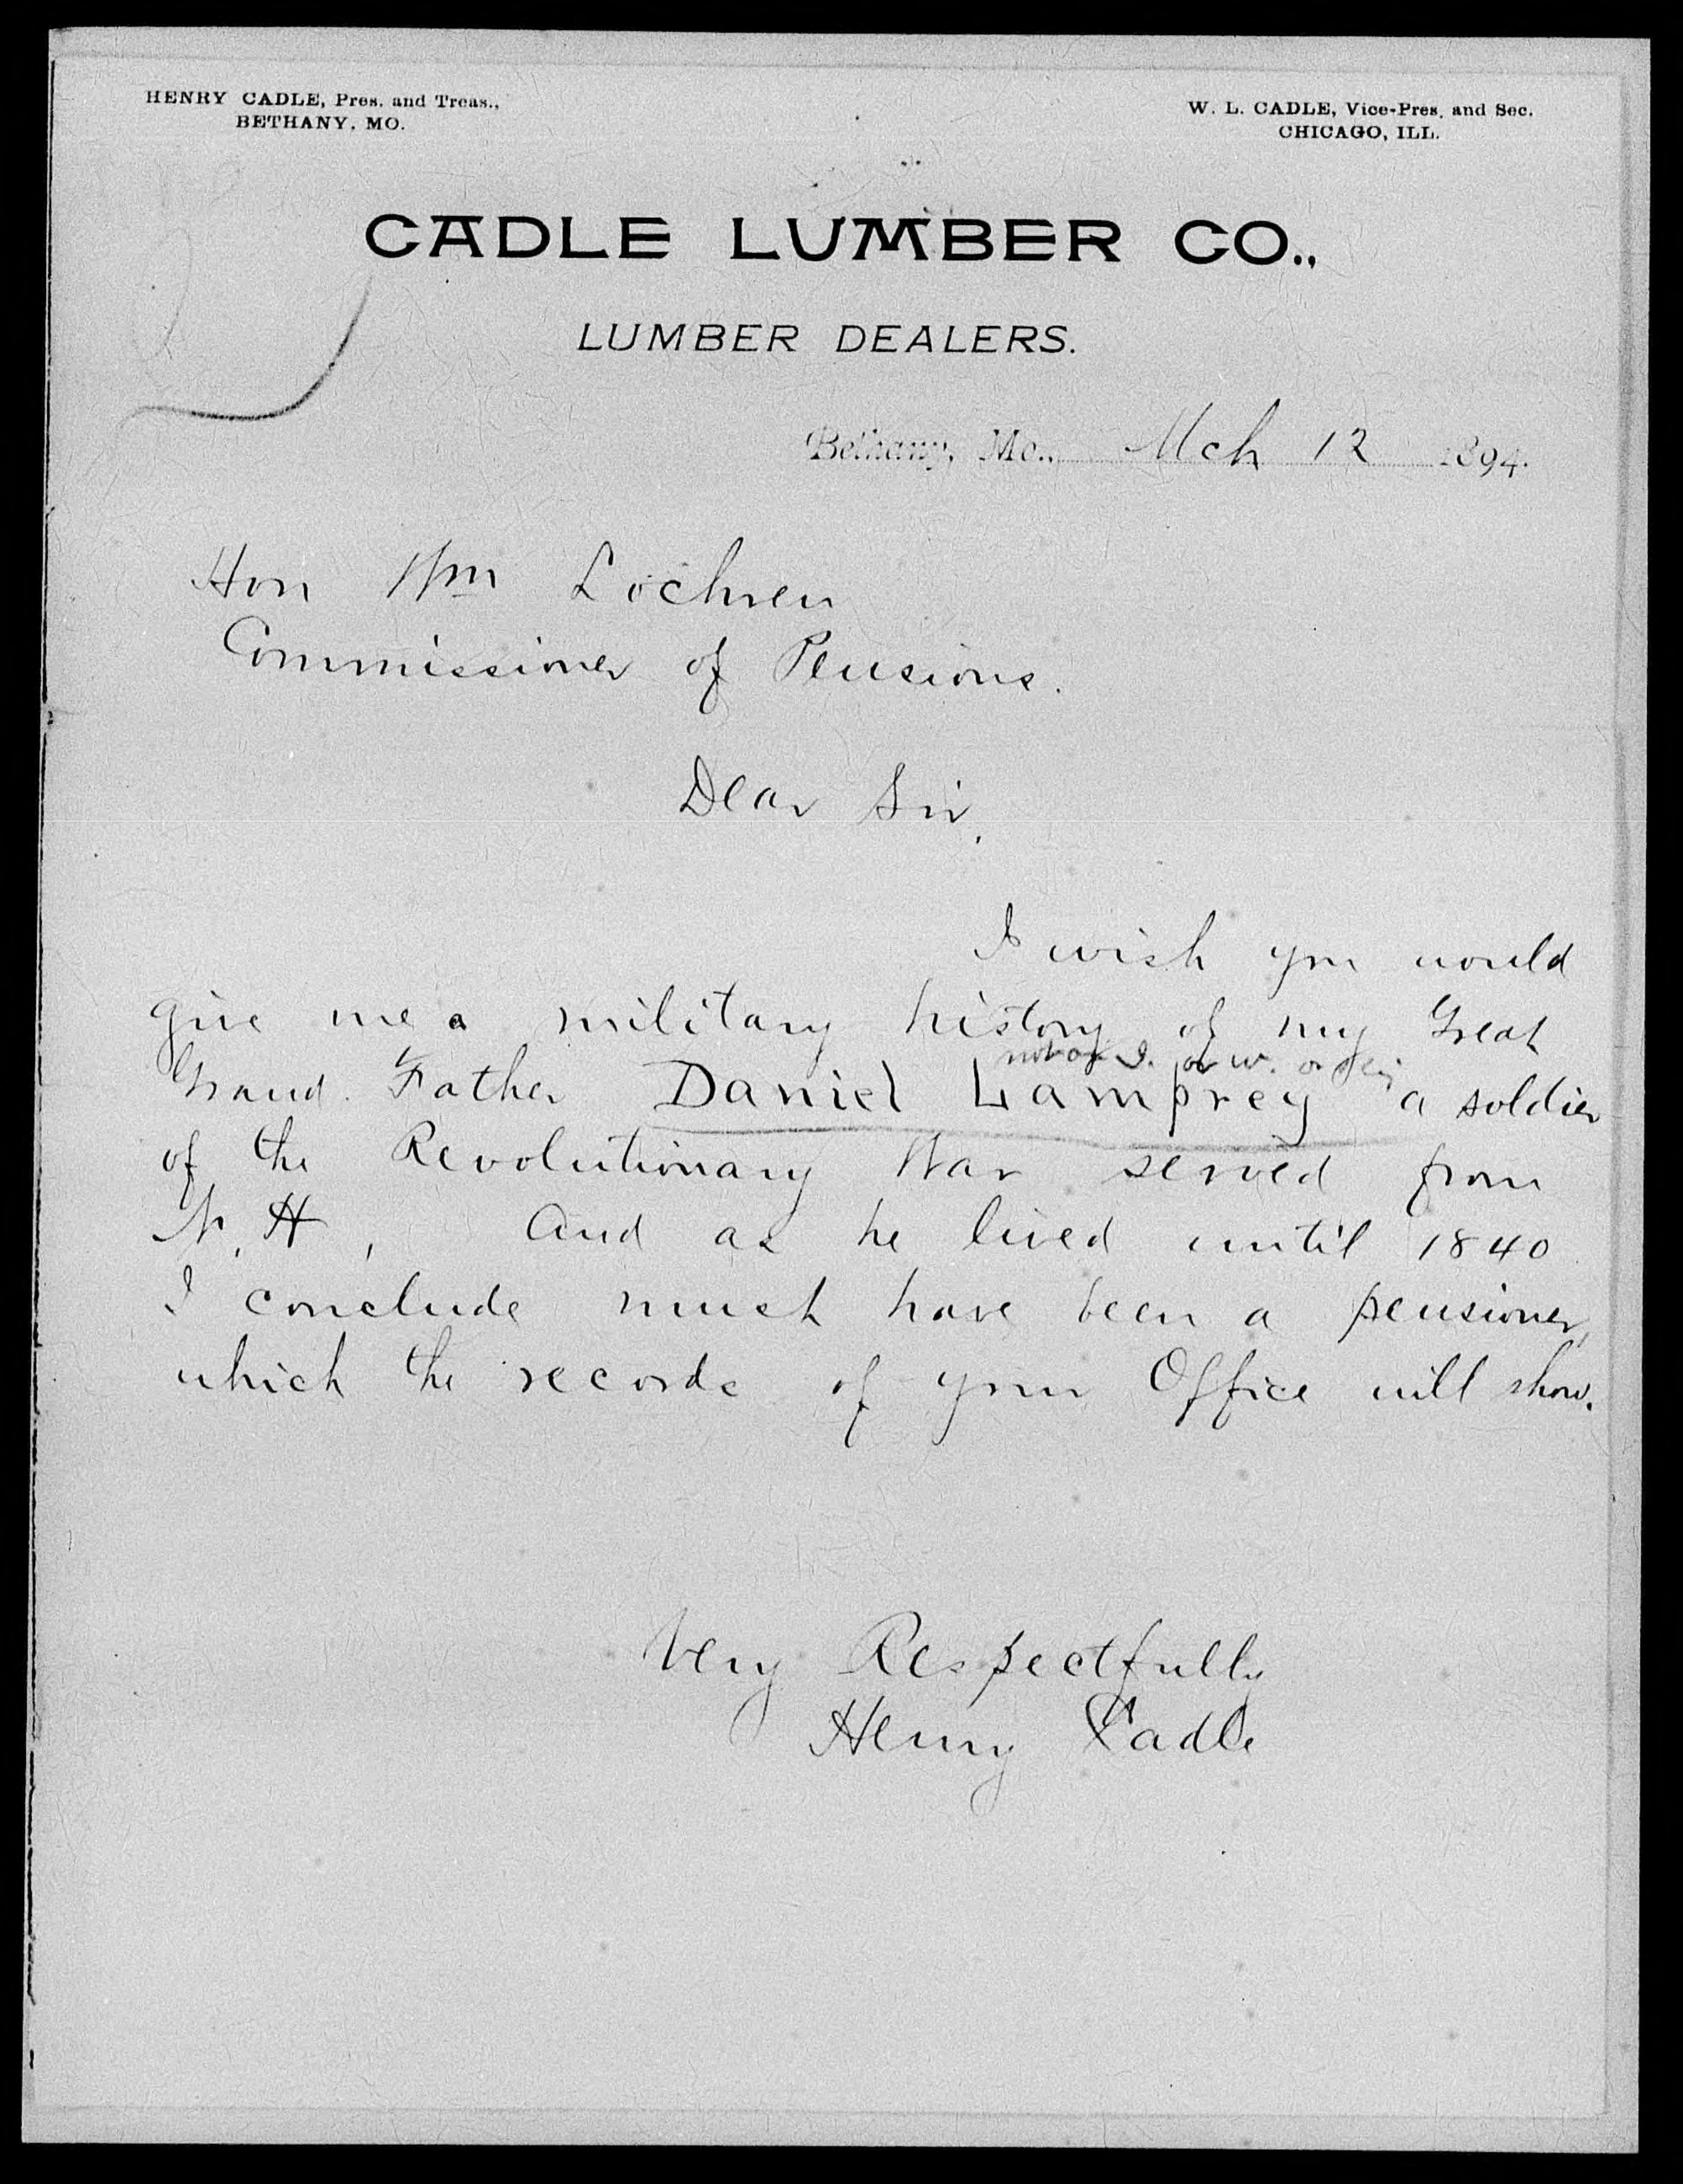HENRY CADLE, Pres. and Treas.,
BETHANY, MO.
W. L. CADLE, Vice-Pres. and Sec.
CHICAGO, ILL.
CADLE LUMBER CO.,
LUMBER DEALERS.

Bethany, Mo. Mch [MARCH] 12 1894.
Hon [HONORABLE] Wm [WILLIAM] Lochren Commissioner of Pensions 
Dear Sir,

I wish you would give me a military history of my great Grand Father [sic] Daniel Lamprey a soldier of the Revolutionary War served from N.H. and as he lived until 1840 I conclude must have been a pensioner which the records of your Office will show.
Very Respectfully
Henry Cadle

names: Henry Cadle; Daniel Lamprey; Wm Lochren; W L Cadle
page: 23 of 53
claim: widow's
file: W. 492, for Daniel Lamprey, New Hampshire